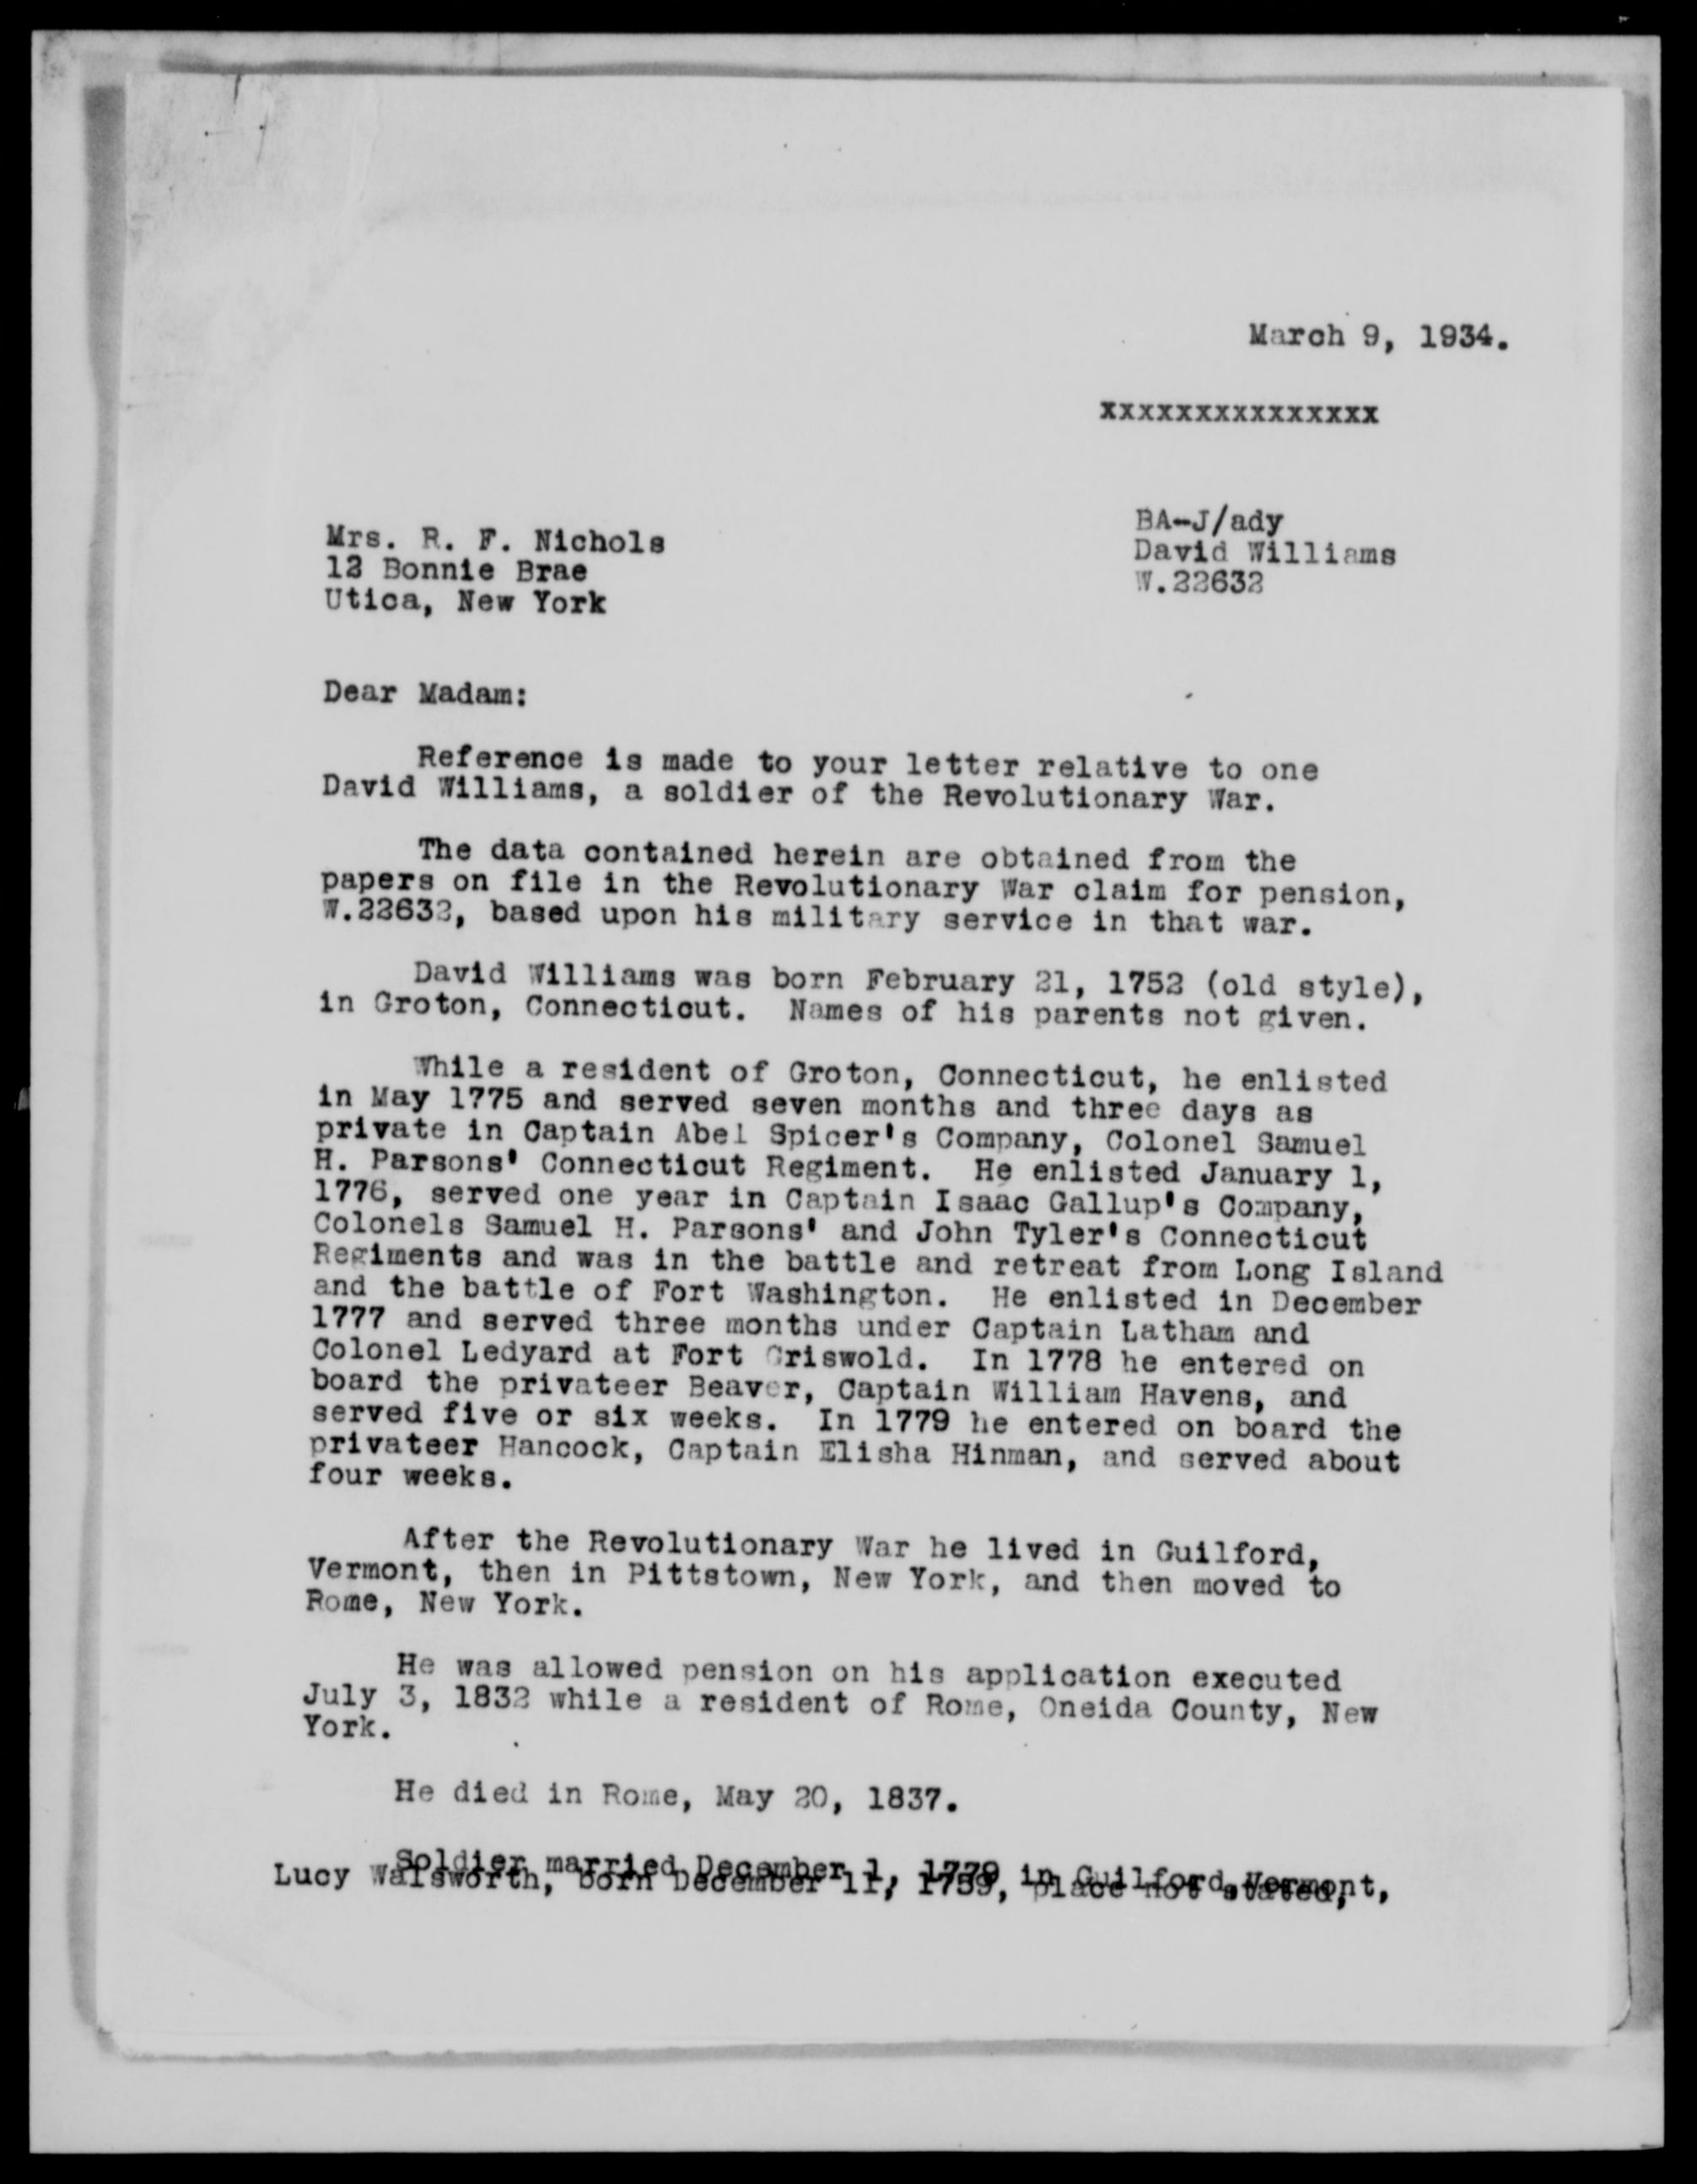March 9, 1934.

BA-J/ady
David Williams
W. 22632

Mrs. R. F. Nichols
12 Bonnie Brae
Utica, New York

Dear Madam:
Reference is made to your letter relative to one David Williams, a soldier of the Revolutionary War.
The data contained herein are obtained from the papers on file in the Revolutionary War claim for pension, W. 22632, based upon his military service in that war.
David Williams was born February 21, 1752 (old style), in Groton, Connecticut. Names of his parents not given.
While a resident of Groton, Connecticut, he enlisted in May 1775 and served seven months and three days as private in Captain Abel Spicer's Company, Colonel Samuel H. Parsons' Connecticut Regiment. He enlisted January 1, 1776, served one year in Captain Isaac Gallup's Company, Colonels Samuel H. Parsons' and John Tyler's Connecticut Regiments and was in the battle and retreat from Long Island and the battle of Fort Washington. He enlisted in December 1777 and served three months under Captain Latham and Colonel Ledyard at Fort Griswold. In 1778 he entered on board the privateer Beaver, Captain William Havens, and served five or six weeks.  In 1779 he entered on board the privateer Hancock, Captain Elisha Hinman, and served about four weeks. 
After the Revolutionary War he lived in Guilford, Vermont, then in Pittstown, New York, and then moved to Rome, New York.
He was allowed pension on his application executed July 3, 1832 while a resident of Rome, Oneida County New York.
He died in Rome, May 20, 1837.

Soldier married December 2, 1779 in Guilford Vermont, Lucy Walsworth, born December 11, 1759, place not stated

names: Hancock, William Havens, David Williams, Lucy Walsworth, Elisha Hinman, R F Nichols, Latham, Beaver, Ledyard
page: 61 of 63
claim: widow's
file: W. 22,632, David Williams, Conn. Continental Privateer